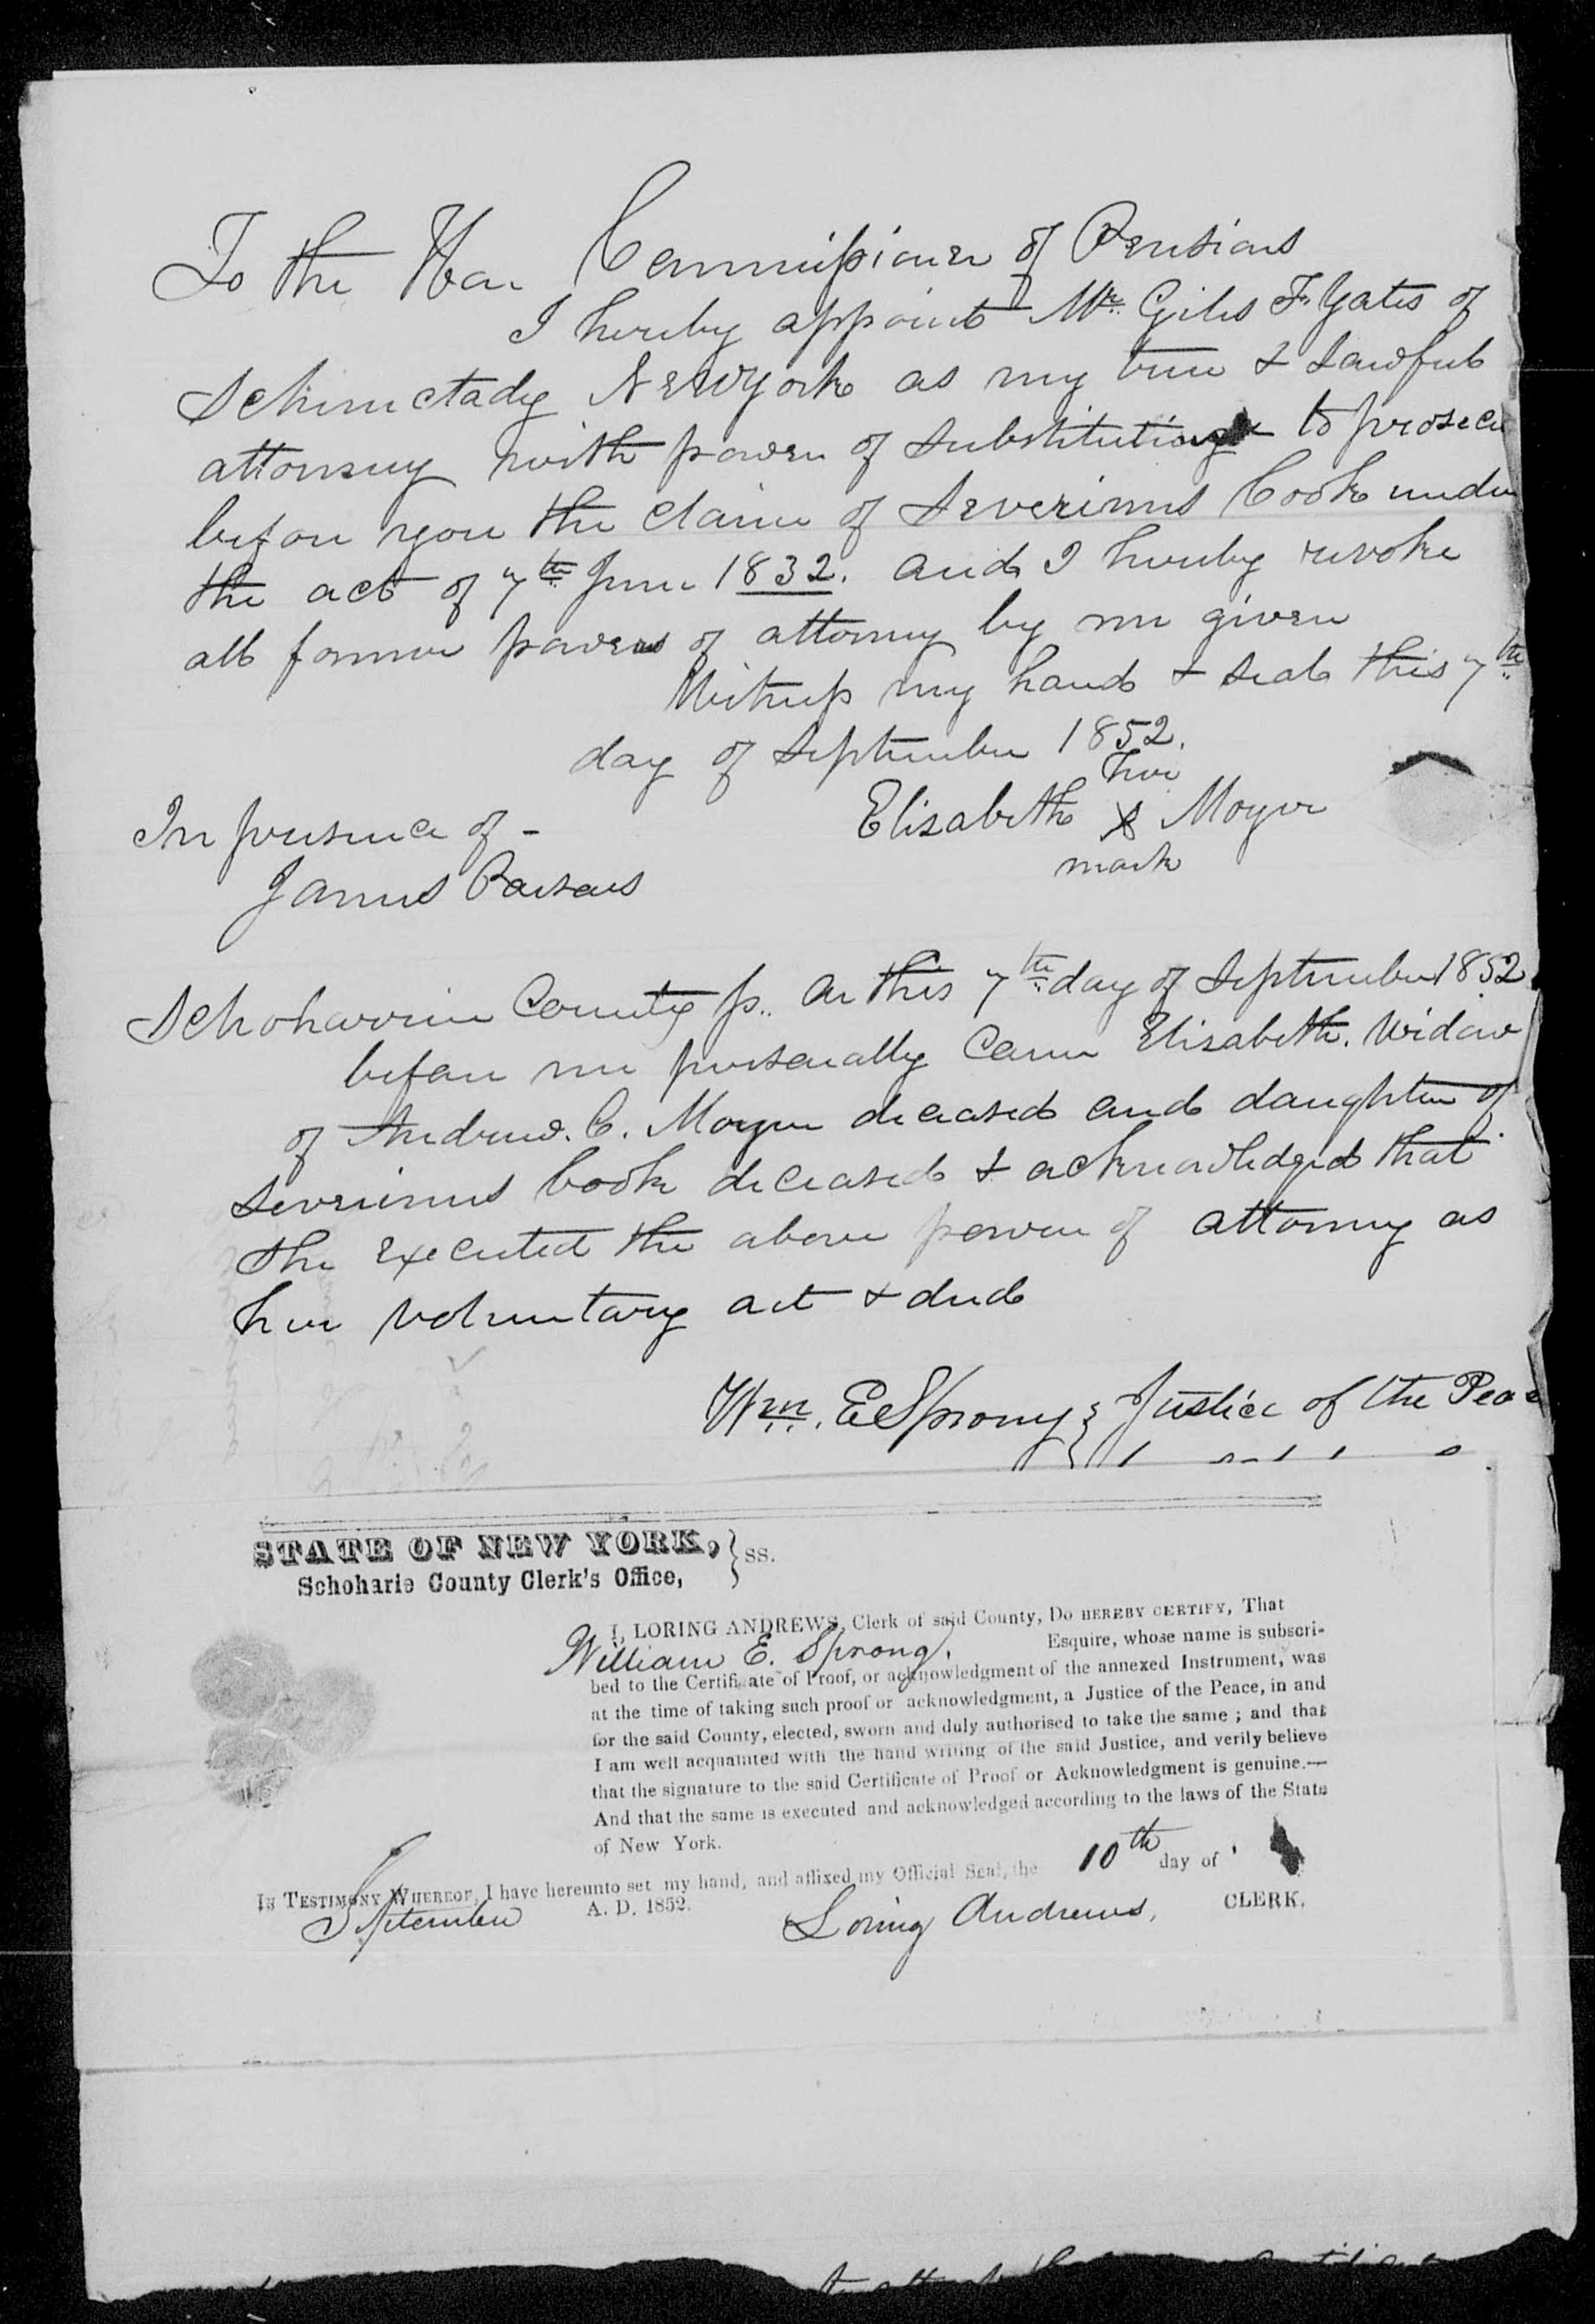To the War Commissioner of Pensions

I hereby appoint Mr. Giles F. Yates of
Schenectady New York as my true & Lawful
attorney with power of substitution to prosecute before you the claim of Severinus Cook under the act of 7th June 1832, and I hereby revoke all former powers of attorney by me given

Witness my hand & seal this 7th day of September 1852.

Elizabeth Moyer her X mark

In presence of -
James Parsons

Schoharie County ss. 
On this 7th day of September 1852 before me personally came Elizabeth, Widow of Andrew C. Morgan deceased and daughter of Severinus Cook deceased & acknowledged that she executed the above power of attorney as her voluntary act & deed

Wm Sprong Justice of the Peace


STATE OF NEW YORK
Schoharie County Clerk's Office} ss

I LORING ANDREWS, Clerk of said County, DO HEREBY CERTIFY, That William E. Sprong, Esquire, whose name is subscribed to the Certificate of Proof, or acknowledgment of the annexed Instrument, was at the time of taking such proof or acknowledgment, a Justice of the Peace, in and for the said County, elected, sworn and duly authorised to take the same; and that I am well acquainted with the hand writing of the said Justice, and verily believe
that the signature to the said Certificate of Proof or Acknowledgment is genuine. -
And that the same is executed and acknowledged according to the laws of the State of New York.

In TESTIMONY WHEREOF, I have hereunto set my hand, and affixed my Official Seal, the 10th day of September A.D. 1852.
Loring Andrews, Clerk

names: Loring Andrews, Elizabeth Moyer, Wm E Sprong, James Parsons, Loring Andrews, Severinus Cook, William E Sprong, Severinus Cook, Andrew C Moyer, Elizabeth, Giles F Yates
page: 51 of 51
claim: survivor's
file: S. 12563, Severinus Cook, New York